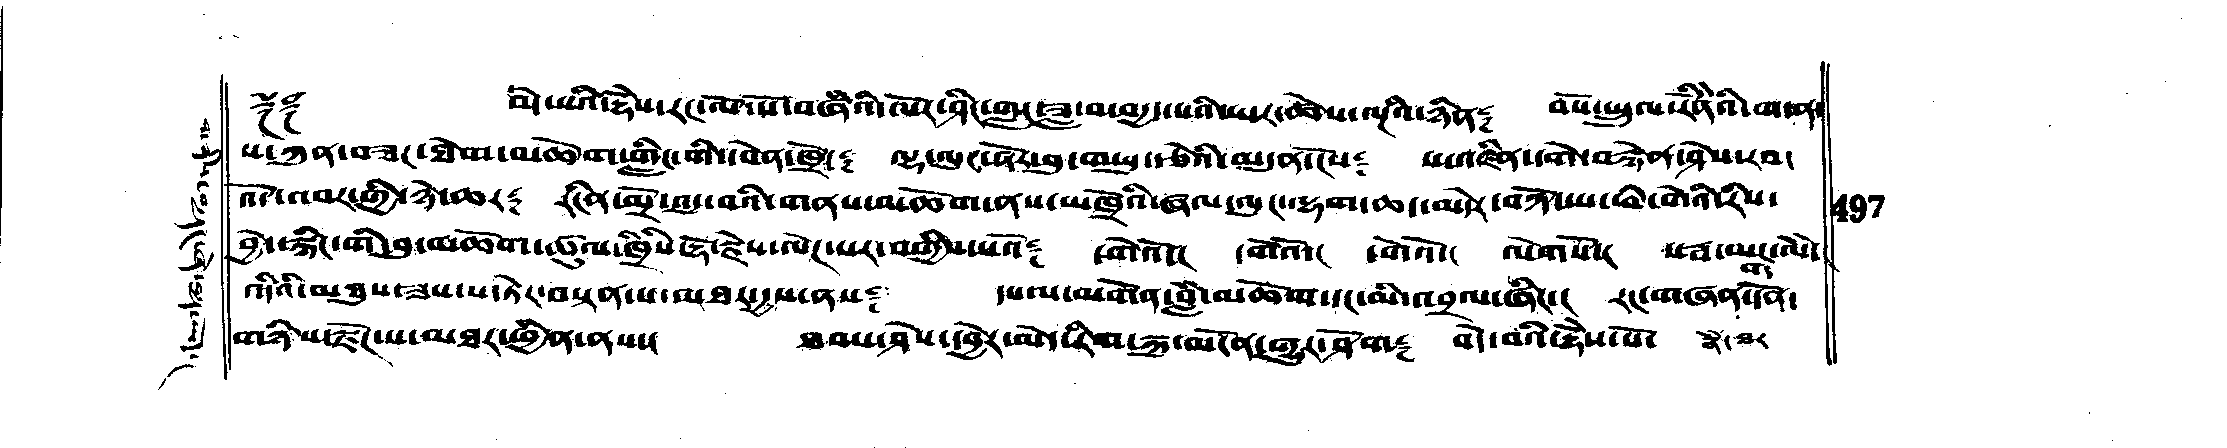བདེ་བའི་རྡོ་རྗེས་རང་ལོ་སོ་བཞིའི་ལོར་ཤིང་གླང་ཟླ་བ་བརྒྱད་པའི་ཡར་ཚེས་ལྔའི་ཉིན། བསོ་སྤྲུལ་རིན་པོ་ཆེའི་གདན་
ས་ཀུན་བཟང་ཐེག་མཆོག་གླིང་གི་དབེན་ཁྲོད།ལྷ་ལུང་ནོར་བུ་གཡུ་རྩེའི་མདུན་ངོས། ས་འཛིན་དགེ་བསྙེན་ཤེས་རབ་
འོད་འབར་གྱི་ཉེ་ཆར། རང་བཞིན་མཁའ་འགྲོ་འདུ་བའི་གནས་མཆོག་ནས་མཁའ་འགྲོའི་ཞལ་ལུང་ལྷག་ཆད་མེད་པར་བཀོད་པ་ཡི་གེའི་རིས་
བྱེད་སྙིང་གི་བུ་མཆོག་ཚུལ་ཁྲིམས་རྡོ་རྗེས་ལེགས་པར་བགྱིས་པའོ།། དགེའོ།། དགེའོ།། དགེའོ།། ལེགས་སོ།། སརྦ་མངྒ་ལམ།། 
འདིའི་མཐུས་ཟབ་གཏེར་བསྟན་པ་མཐར་རྒྱས་ནས། །དཔལ་མགོན་བླ་མ་མཆོག་དང་མི་འབྲལ་ཞིང་། །རང་གཞན་དོན་
གཉིས་རྫོགས་པ་མཐར་ཕྱིན་ནས། །ཐབས་ཤེས་དབྱེར་མེད་རིག་སྐུ་མངོན་གྱུར་ཤོག །བདེ་བའི་རྡོ་རྗེས་སོ།། རྣམ་ཐར་